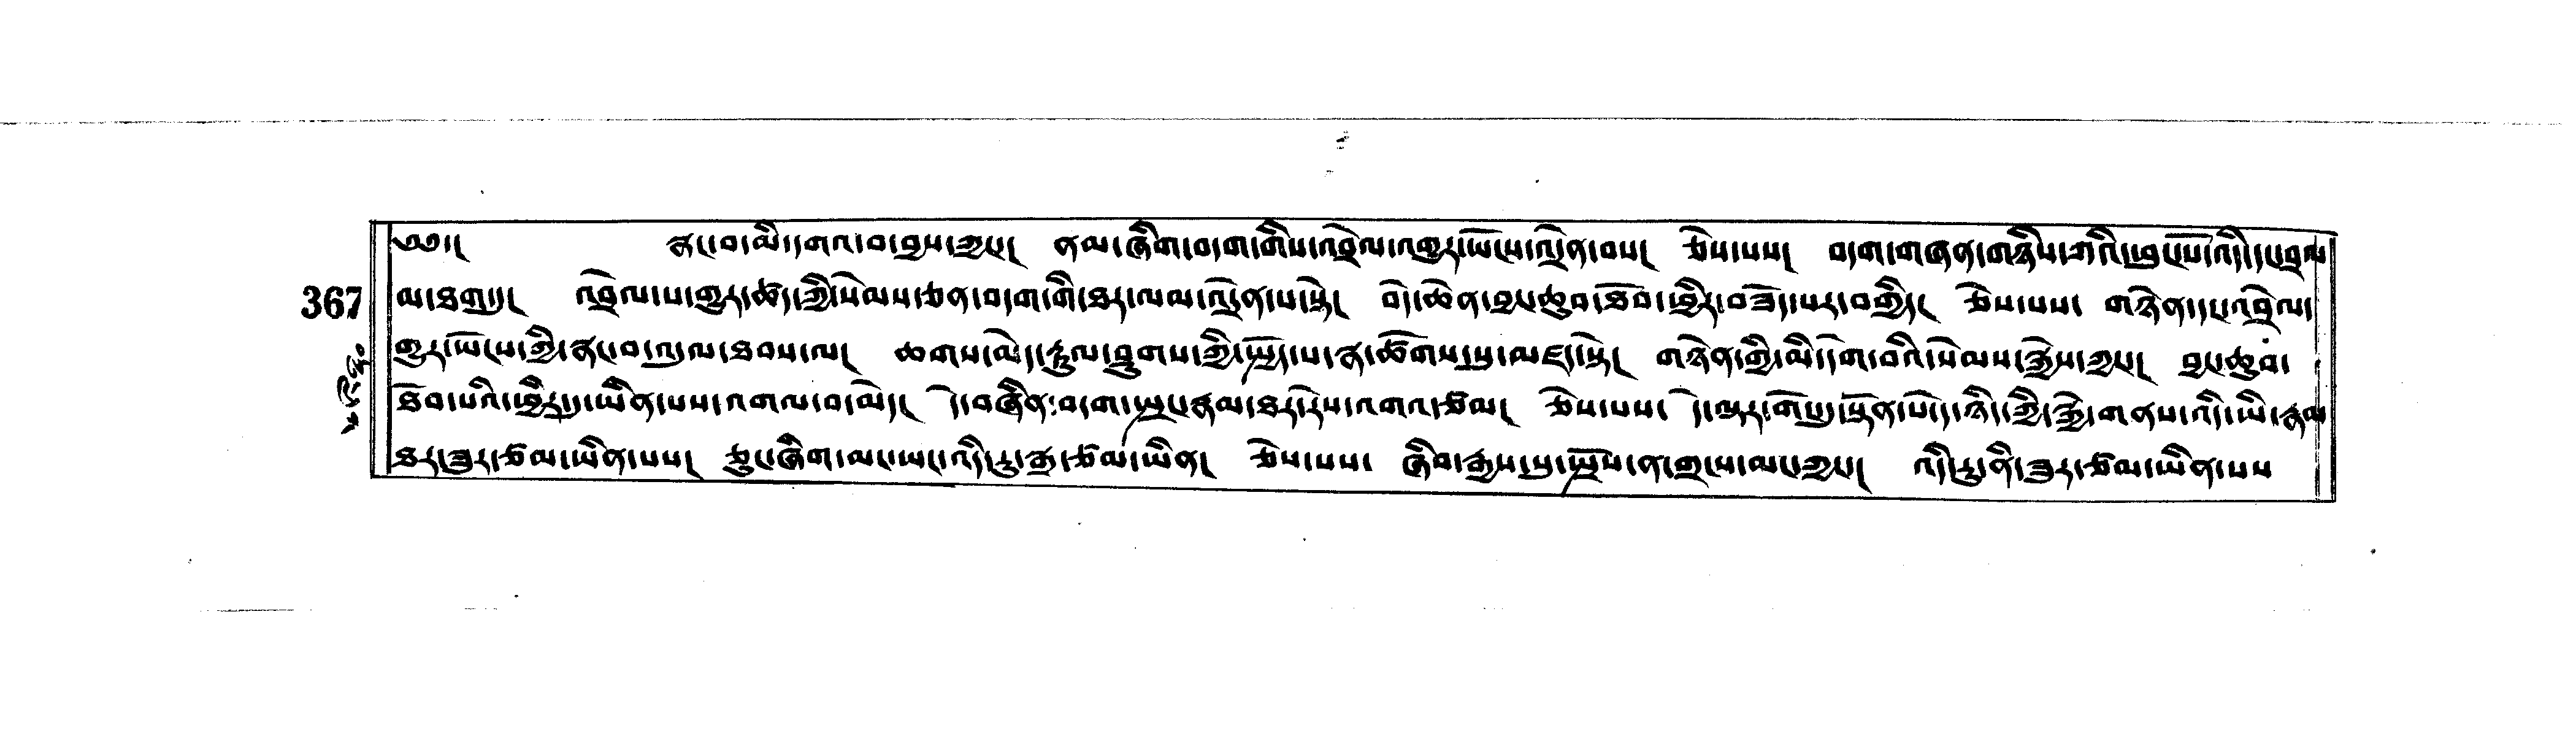སྣང་བ་མི་དགའ་བ་བྱས་ཀྱང་། ནམ་ཞིག་བདག་གི་འབྲེལ་གྱུར་ཡོངས་འདྲེན་པས། ཅེས་པས། བདག་གཞན་གཉིས་ཀའི་ཕུང་པོ་འདི་དང་བྲལ་
མ་ཐག་ཏུ། འབྲེལ་བ་གྱུར་ཚད་ཀྱི་སེམས་ཅན་བདག་གི་ཐར་ལམ་འདྲེན་པ་སྟེ། བདེ་ཆེན་བྱང་ཆུབ་ཐོབ་ཕྱིར་བཟོད་པར་བགྱིད། ཅེས་པས། གཉེན་དང་འབྲེལ་
གྱུར་ཡོངས་ཀྱི་སྣང་བ་འདུལ་ཐབས་ལ། ཆགས་མེད་རྟུལ་ཤུགས་ཀྱི་སྤྱོད་པ་སྣ་ཚོགས་སུ་མཛད་དེ། གཉེན་གྱིས་མི་དགེ་བའི་སེམས་སྐྱེས་ཀྱང་། བྱང་ཆུབ་
ཐོབ་པའི་ཕྱིར་དུ་ཡིན་པས་འགལ་བ་མེད། དེ་བཞིན་བདག་སྤྲང་རྣམ་ཐར་རེ་འགའ་ཙམ། ཅེས་པས། དེ་ལྟར་གོང་དུ་སྟོན་པ་དེ་ཉིད་ཀྱི་སྐྱེ་གནས་འདི་ཡི་རྣམ་
ཐར་ཟུར་ཙམ་ཡིན་པས། ཅུང་ཞིག་མང་ཡང་འདི་རུ་སྒྲ་ཙམ་ཡིན། ཅེས་པས། ཞིབ་རྒྱས་སུ་སྤྲོས་ན་གྲངས་མང་ཀྱང་། འདི་རུ་ནི་ཟུར་ཙམ་ཡིན་པས་